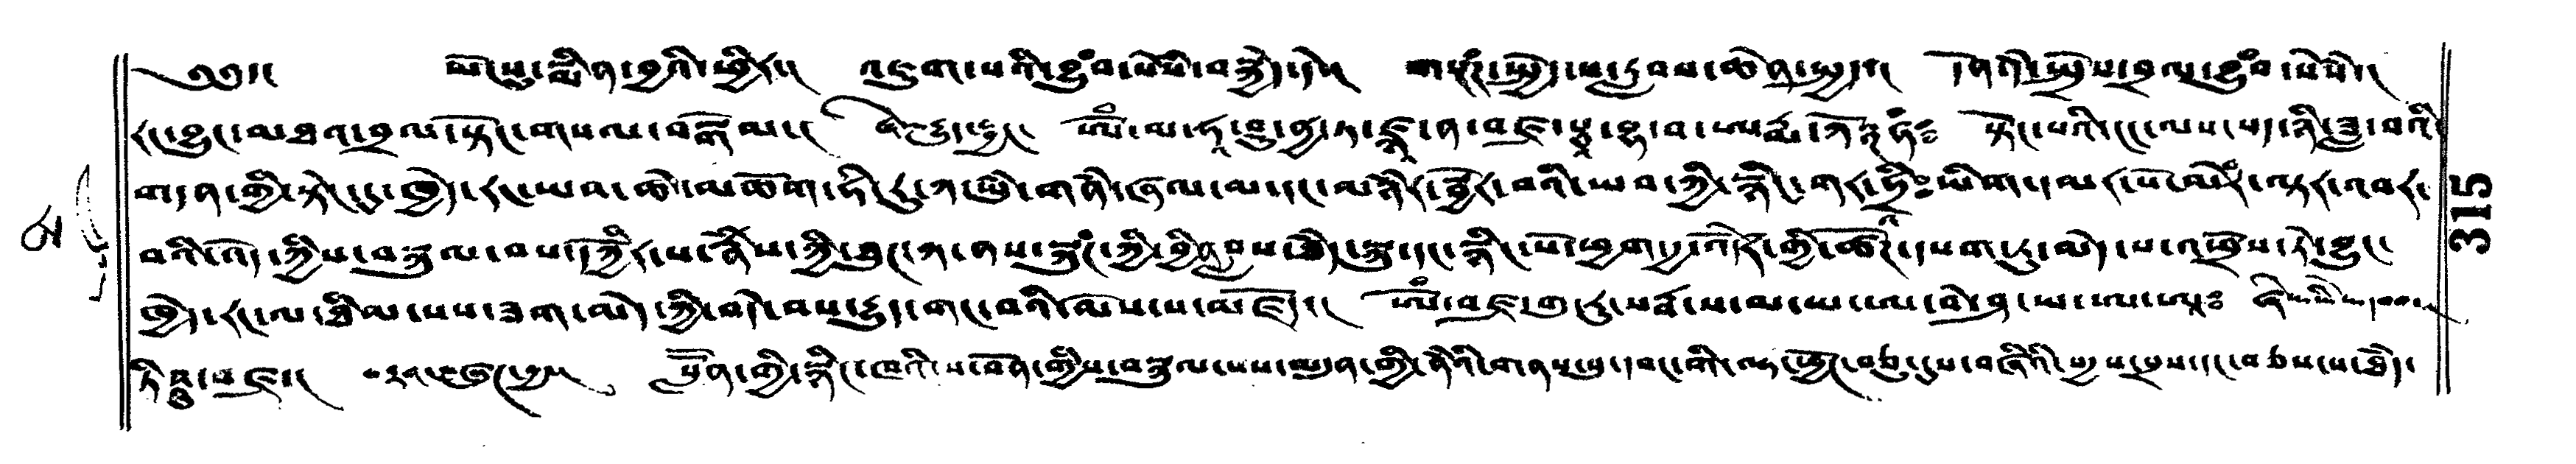ཡོངས་སུ་སྨིན་བྱའི་ཕྱིར། །འཇུག་པའི་བྱང་ཆུབ་སེམས་བསྐྱེད་དེ། །གསང་སྔགས་སྤྱོད་པ་རླབས་ཆེན་སྤྱད། །དོན་དམ་སྤྲོས་བྲལ་བྱང་ཆུབ་སེམས། །
རང་བྱུང་མཐའ་བྲལ་སྟོང་གསལ་བསྒོམ། ཞེས་རྒྱུད་སྦྱང་། ཨོཾ་མ་ཧཱ་ཤུ་ནྱ་ཏ་ཛྙཱ་ན་བཛྲ་སྭ་བྷ་བ་ཨཏྨ་ཀོཉཧཾ༔ སྟོང་པའི་ངང་ལས་པད་ཉི་ཟླ་བའི་
གདན་གྱི་སྟེང་དུ་ཁྱེད་རང་ཡབ་ཆེ་མཆོག་ཧེ་རུ་ཀ་ཡུམ་གནམ་ཞལ་མ་དང་མཉམ་པར་སྦྱོར་བའི་ཡབ་ཀྱི་སྙིང་གར་ཧྲཱིཿཡིག་དམར་པོ་མར་མེ་ལྟར་འབར་
བའི་འོད་ཀྱིས་བསྐུལ་བས་དཀྱིལ་འཁོར་པ་རྣམས་ཀྱི་ཐུགས་ཀ་ནས་སྐུ་གསུང་ཐུགས་ཀྱི་བྱིན་རླབས་ཐམས་ཅད་སྐུ་དང་སྙིང་པོ་ཕྱག་རྒྱ་འོད་ཟེར་གྱི་ཚོགས་དཔག་ཏུ་མེད་པ་འཕྲོས་ཏེ་བྱུང་
ཁྱེད་རང་ལ་ཐིམ་པས་ཟག་མེད་ཀྱི་བདེ་བས་རྒྱུད་གང་བའི་མོས་པ་མཛོད། ཨོཾ་བཛྲ་གུ་རུ་སརྦ་ས་མ་ཡ་ཨ་བེ་ཤ་ཡ་ཨ་ཨཱཿ ཞེས་ཡེ་ཤེས་དབབ། 
ཏིཥྛ་བཛྲ། བརྟན་བཞུགས་བྱ། སློབ་དཔོན་གྱི་སྙིང་ཁའི་ས་བོན་གྱིས་བསྐུལ་པས་མདུན་གྱི་ནམ་མཁའི་གནས་སུ་དབང་གི་ལྷ་ཕྱོགས་བཅུ་དུས་བཞིའི་སངས་རྒྱས་སྲས་དང་བཅས་པ་ཐམས་ཅད་